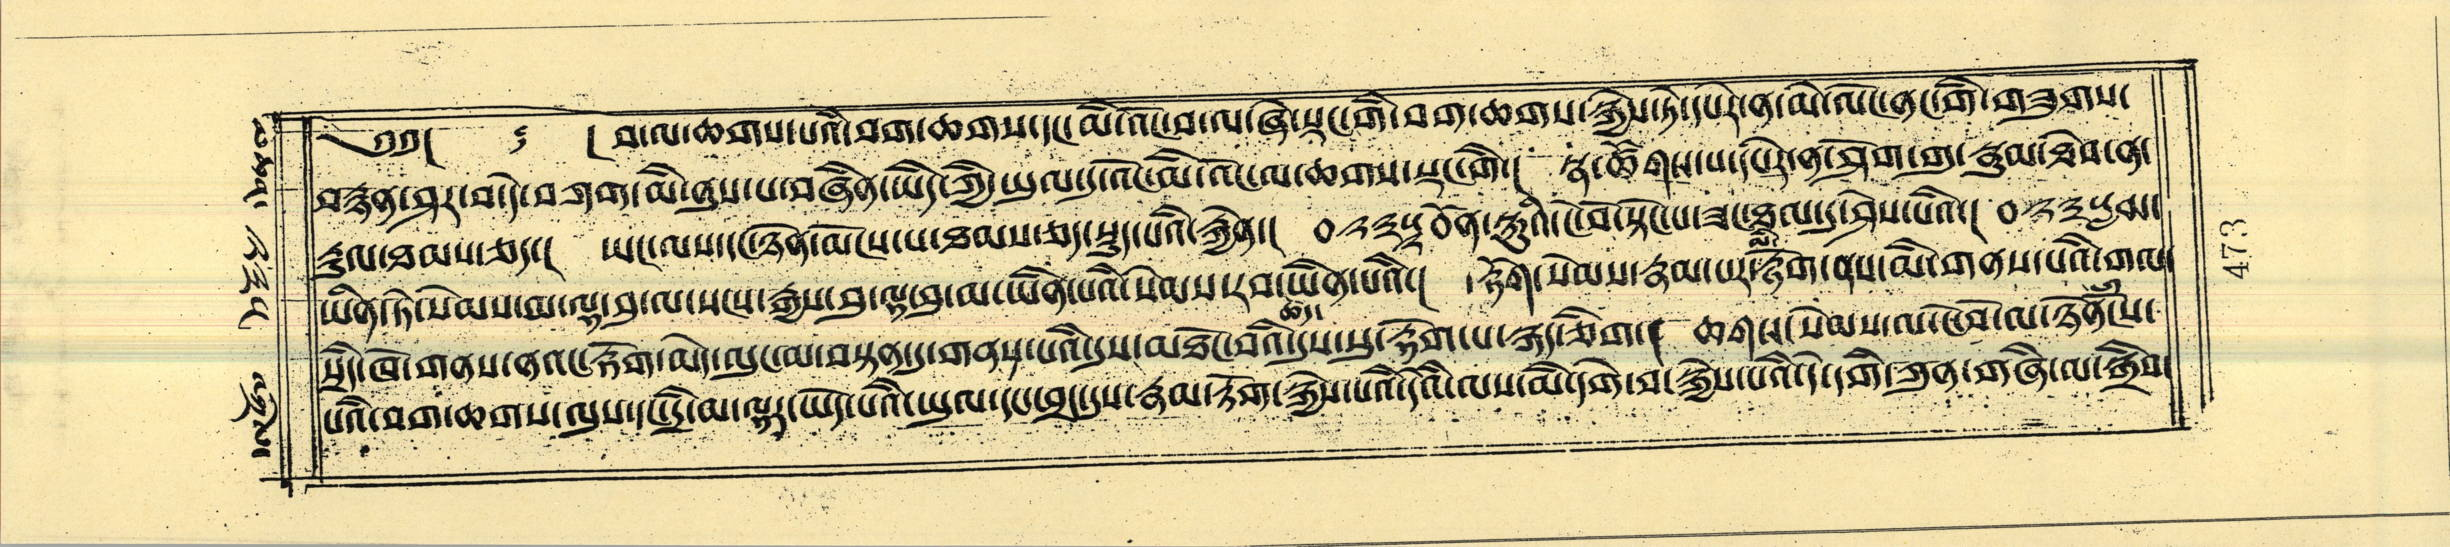བ་ལ་ཆགས་པའི་བག་ཆགས་དང་མི་འོང་བ་ལ་ཞེ་སྡང་གི་བག་ཆགས་སྐྱེས་ཏེ་དཔེར་ན་མེ་ལོང་ནང་གི་གཟུགས་
བརྙན་ཤར་བ་དེ་བཀག་མི་ནུས་པ་བཞིན་ཡིད་ཀྱི་ཡུལ་དུ་འོང་མི་འོང་ལ་ཆགས་སྡང་གི་ སྣ་ཚོགས་པ་དཔེར་ན་ཤོག་གུ་སྣུམ་ཐེབས་ན་
རྡུལ་ཐམས་ཅད་ ཡང་ལས་དང་ཉོན་མོངས་པ་ཐམས་ཅད་སྡུད་པའི་རྐྱེན་ བ༢༣༥།༢བོན་སྐུའི་ངོ་བོ་སྟོང་པ་ཟང་ཐལ་དུ་ཤེས་པའི་ བ༢༣༥།༤མ་
ཡིན་ཏེ་སེམས་མ་ལྟ་བུ་ལ་སངས་རྒྱས་བུ་ལྟ་བུ་མ་ཡིན་པའི་སེམས་རབ་ཡིན་པའི་ རྟོག་སེམས་རྣམ་པར་རྟོག་ནས་མི་གནས་པའི་གལ་
སྲིད་ཁོ་གནས་ནའང་རྟོག་མེད་ལུང་མ་བསྟན་དུ་གནས་པའི་དུས་མཐོང་བའི་ཚད་དུས་སུ་རྟོག་པ་སྐད་ཅིག་ ཆགས་སེམས་ལ་ངོ་བོ་ལ་ཉོན་མོངས་
པའི་བག་ཆགས་ལུས་དང་དྲི་མ་ལྟར་ཡོད་པའི་ཡུལ་དང་ཕྲད་དུས་རྣམ་རྟོག་སྐྱེས་པའི་དེའི་ལས་མི་དགེ་བ་སྐྱེས་པའི་དེ་དག་གི་ཀུན་གཞི་སྒྲིབ་